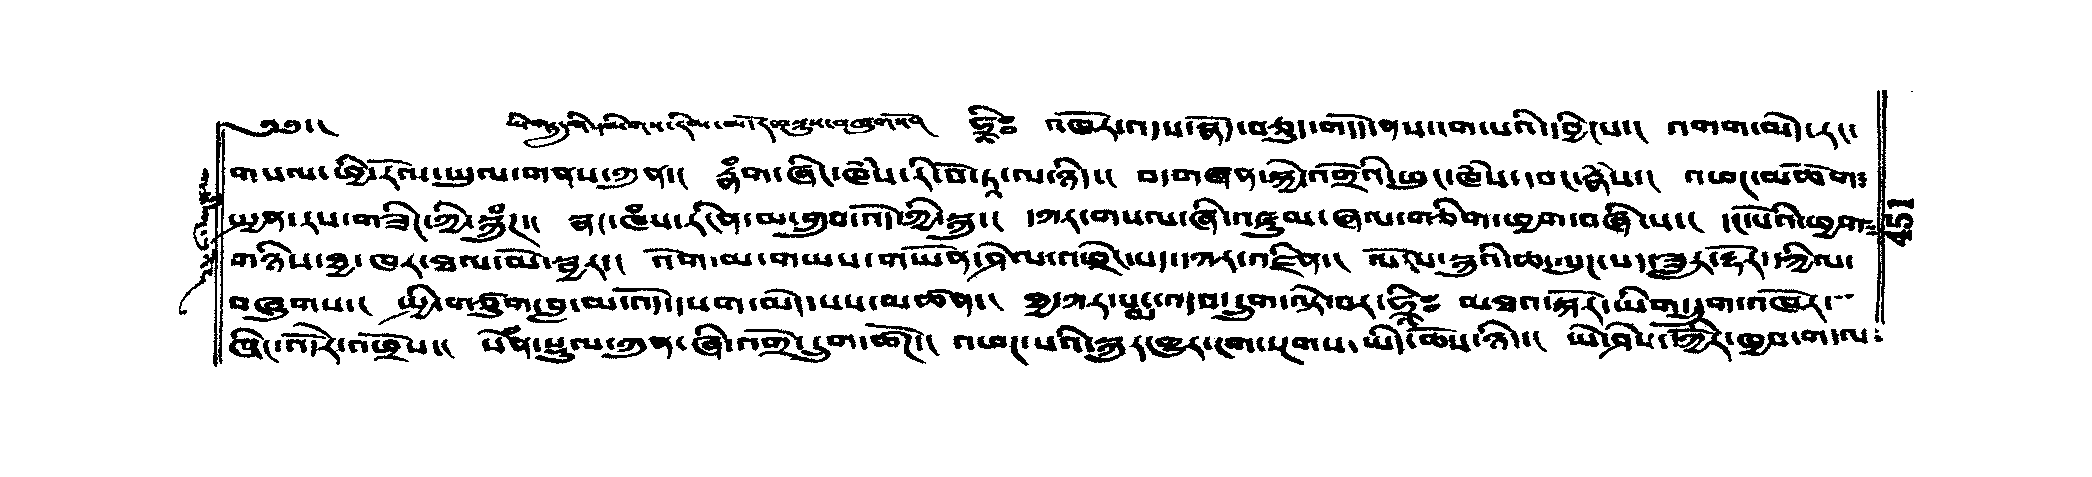ཡིག་དྲུག་གི་དམིགས་རིམ་མདོར་བསྡུས་བཞུགས་སོ། ཧྲཱིཿ འཁོར་འདས་སྣོད་བཅུད་གདོད་ནས་དག་པའི་ཞིང་། འགག་མེད་རང་
གསལ་ཕྱི་རོལ་ཡུལ་གནས་ཀུན། །རྣམ་དག་ཞིང་ཁམས་རི་བོ་ཏཱ་ལ་ཉིད། །བདག་གཞན་སྐྱེ་འགྲོའི་ཕུང་ཁམས་དབང་རྣམས། །འཕགས་མཆོག་
སྤྱན་རས་གཟིགས་ཀྱི་སྐུ་གསུང་ཐུགས། །སྣང་ཁམས་རང་བཞིན་མ་གྲུབ་1འོད་ཀྱི་སྐུ། །དཀར་གསལ་ཞི་འཛུམ་ཞལ་གཅིག་ཕྱག་བཞི་པ། །དང་པོའི་ཕྱག་
གཉིས་ཐུགས་་ཀར་་ཐལ་མོ་སྦྱར། །འོག་མ་གཡས་གཡོན་ཤེལ་ཕྲེང་པད་དཀར་འཛིན། །ལོང་སྐུའི་ཆ་ལུགས་པད་ཟླར་རྡོར་དཀྱིལ། །
བཞུགས། སྤྱི་གཙུག་བླ་མ་འོད་དཔག་མེད་པས་མཚན། །ཐུགས་ཀར་འདབ་དྲུག་ལྟེ་བར་ཧྲཱིཿ། །མཐའ་སྐོར་ཡིག་དྲུག་འཁོར་་
ཞིང་འོད་ཟེར་འཕྲོས། །སེམས་ཅན་སྡུག་བསྔལ་ཀུན་ཞི་འགྲོ་དྲུག་ཚོགས། །འཕགས་པའི་སྐུར་གྱུར་ངག་སྔགས་ཡིད་ཆོས་ཉིད། །ཡེ་ཤེས་དཀྱིལ་འཁོར་ཁྱབ་གདལ་